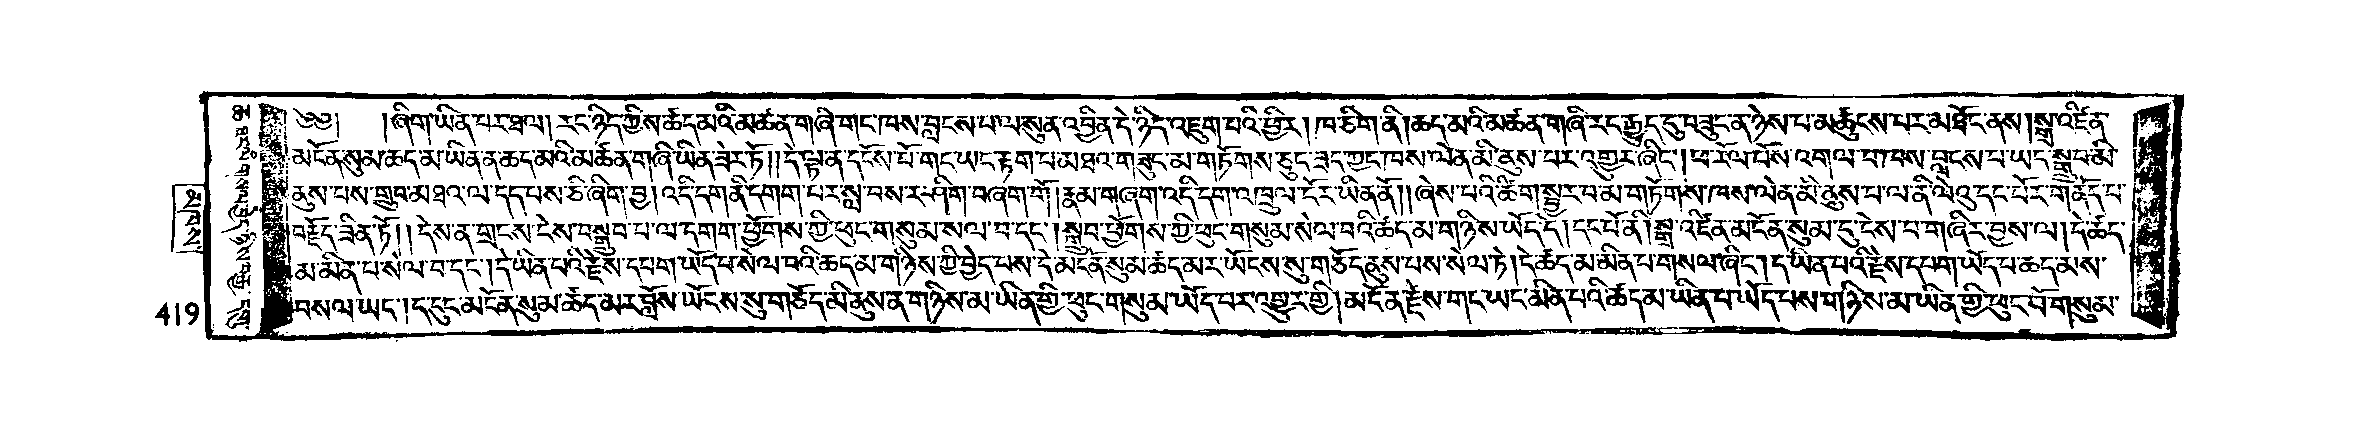༄༅། །ཞིག་ཡིན་པར་ཐལ། རང་ཉིད་ཀྱིས་ཚད་མའི་མཚན་གཞི་གང་ཁས་བླངས་པ་ལ་སུན་འབྱིན་དེ་ཉིད་འཇུག་པའི་ཕྱིར། ཁ་ཅིག་ནི། ཚད་མའི་མཚན་གཞི་རང་རྒྱུད་དུ་བཟུང་ན་ཉེས་པ་མཚུངས་པར་མཐོང་ནས། སྒྲ་འཛི་
མངོན་སུམ་ཚད་མ་ཡིན་ན་ཚད་མའི་མཚན་གཞི་ཡིན་ཟེར་ཏོ། །དེ་ལྟ་ན་དངོས་པོ་གང་ཡང་རྟག་པ་མཐའ་གཟུང་མ་གཏོགས་ཅུང་ཟད་ཀྱང་ཁས་ལེན་མི་ནུས་པར་འགྱུར་ཞིང་། ཕ་རོལ་པོས་འགལ་བ་ཁས་བླངས་པ་ཡང་སྒྲུབ་མི་
ནུས་པས་གྲུབ་མཐའ་ལ་དད་པས་ཅི་ཞིག་བྱ། འདི་དག་ནི་དགག་པར་སླ་བས་ར་ཤིག་བཞག་གོ། རྣམ་གཞག་འདི་དག་འཁྲུལ་ངོར་ཡིན་ནོ། །ཞེས་པའི་ཚིག་སྦྱར་བ་མ་གཏོགས་ཁས་ལེན་མི་ནུས་པ་ལ་ནི་ལེའུ་དང་པོར་གནོད་པ་
བརྗོད་ཟིན་ཏོ། །དེས་ན་གྲངས་ངེས་བསྒྲུབ་པ་ལ་དགག་ཕྱོགས་ཀྱི་ཕུང་གསུམ་སལ་བ་དང་། སྒྲུབ་ཕྱོགས་ཀྱི་ཕུང་གསུམ་སེལ་བའི་ཚད་མ་གཉིས་ཡོད་དེ། དང་པོ་ནི། སྒྲ་འཛིན་མངོན་སུམ་དུ་ངེས་པ་གཞིར་བྱས་ལ། དེ་ཚད་
མ་མིན་པ་སེལ་བ་དང་། དེ་ཡིན་པའི་རྗེས་དཔག་ཡོད་པ་སེལ་བའི་ཚད་མ་གཉིས་ཀྱི་བྱེད་པས་དེ་མངོན་སུམ་ཚད་མར་ཡོངས་སུ་གཅོད་ནུས་པས་སེལ་ཏེ། དེ་ཚད་མ་མིན་པ་གསལ་ཞིང་། ད་ཡིན་པའི་རྗེས་དཔག་ཡོད་པ་ཚད་མས་
བསལ་ཡང་། ད་དུང་མངོན་སུམ་ཚད་མར་བློས་ཡོངས་སུ་གཅོད་མི་ནུས་ན་གཉིས་མ་ཡིན་གྱི་ཕུང་གསུམ་ཡོད་པར་འགྱུར་གྱི། མངོན་རྫས་གང་ཡང་མིན་པའི་ཚད་མ་ཡིན་པ་ཡོད་པས་གཉིས་མ་ཡིན་གྱི་ཕུང་པོ་གསུམ་